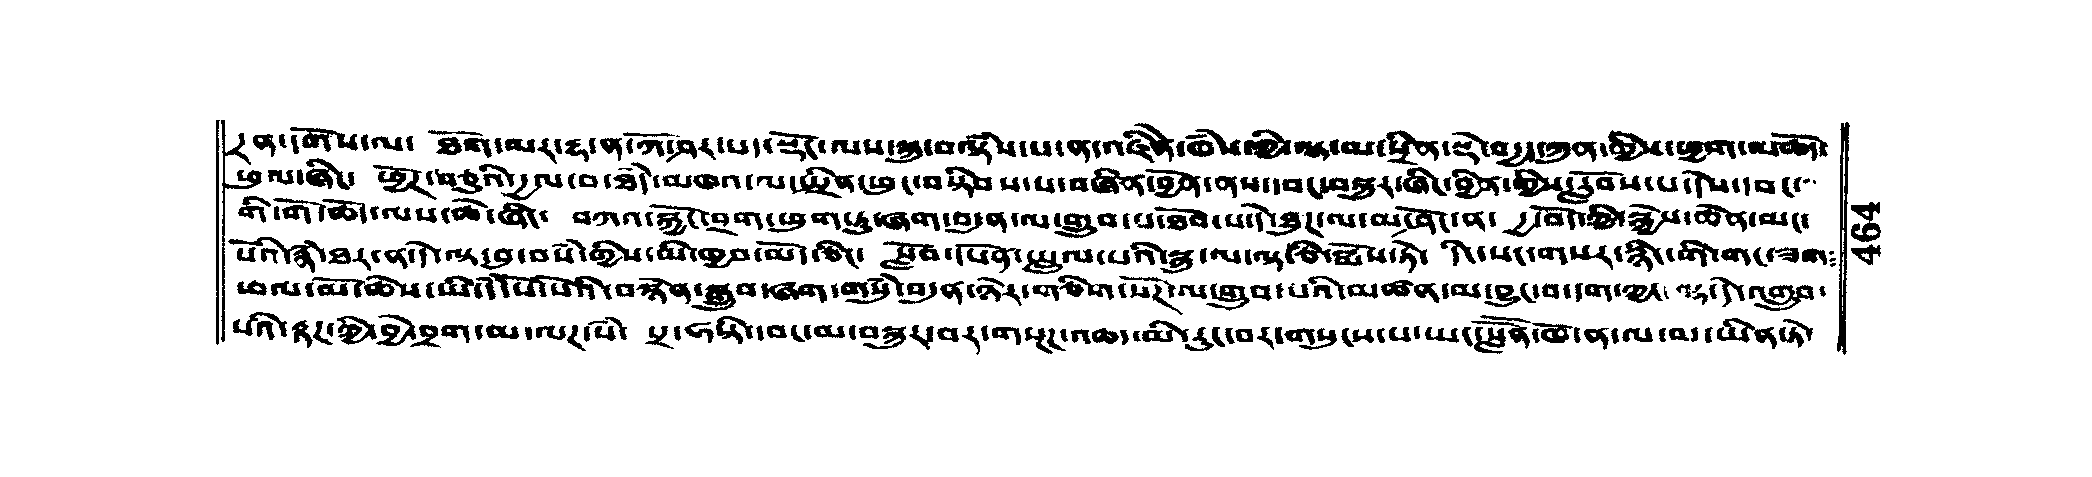དྲན་དགོས་ལ། ཐོག་མར་དྷ་ན་ཀོ་ཤར་པད་སྡོང་ལས་སྐུ་བལྟམས་པ་ན་འཇིག་རྟེན་ཁམས་ཀྱི་ལྷ་མ་སྲིན་སྡེ་བརྒྱད་ཀུན་གྱིས་ཕྱག་མཆོད་
ཕུལ་ཞིང་། ཕྱོགས་བཅུའི་རྒྱལ་བ་ཐམས་ཅད་མཁའ་ལ་སྤྲིན་ཕུང་བསྟིབས་པ་བཞིན་བྱོན་ནས་དབང་བསྐུར་ཞིང་བྱིན་གྱིས་བརླབས་པ་དེས་དབང་
གི་གོ་ཆོད་ལས་ཆེ་ཞིང་། བཀའ་སྐྱོང་བྲག་ཕུག་ཏུ་ཞག་བདུན་ལ་གྲུབ་པ་ཐོབ་པ་དེ་ཐུགས་ལ་མ་ཤོང་ན་། རྒྱ་བོད་ཀྱི་སྐྱེས་ཆེན་མང་
པོའི་རྣམ་ཐར་ན་དེ་ལྟ་བུ་བསམ་གྱིས་མི་ཁྱབ་མོད་ཅིང་། སློབ་དཔོན་སྤྲུལ་པའི་སྐུ་ལ་ལྟ་ཅི་སྨོས་ཏེ། དེང་སང་གསར་རྙིང་གི་གང་ཟག་
ཕལ་མོ་ཆེས་ཡི་དམ་སོ་སོའི་བསྙེན་སྒྲུབ་ཞག་གསུམ་བདུན་ཉེར་གཅིག་སོགས་ལ་གྲུབ་པའི་མཚན་མ་བྱུང་བ་དག་ཀྱང་ལྷ་དེ་འགྲུབ་
པའི་རྟགས་ཀྱི་བྱེ་བྲག་མ་ལགས་སམ། པྲ་བྷ་ཧ་སྟི་དབང་མ་བསྐུར་བར་གསང་སྔགས་འཆད་མི་རུང་བར་གསུངས་པ་ཡང་སློབ་དཔོན་ཁོ་ན་ལ་མ་ཡིན་ཏེ།